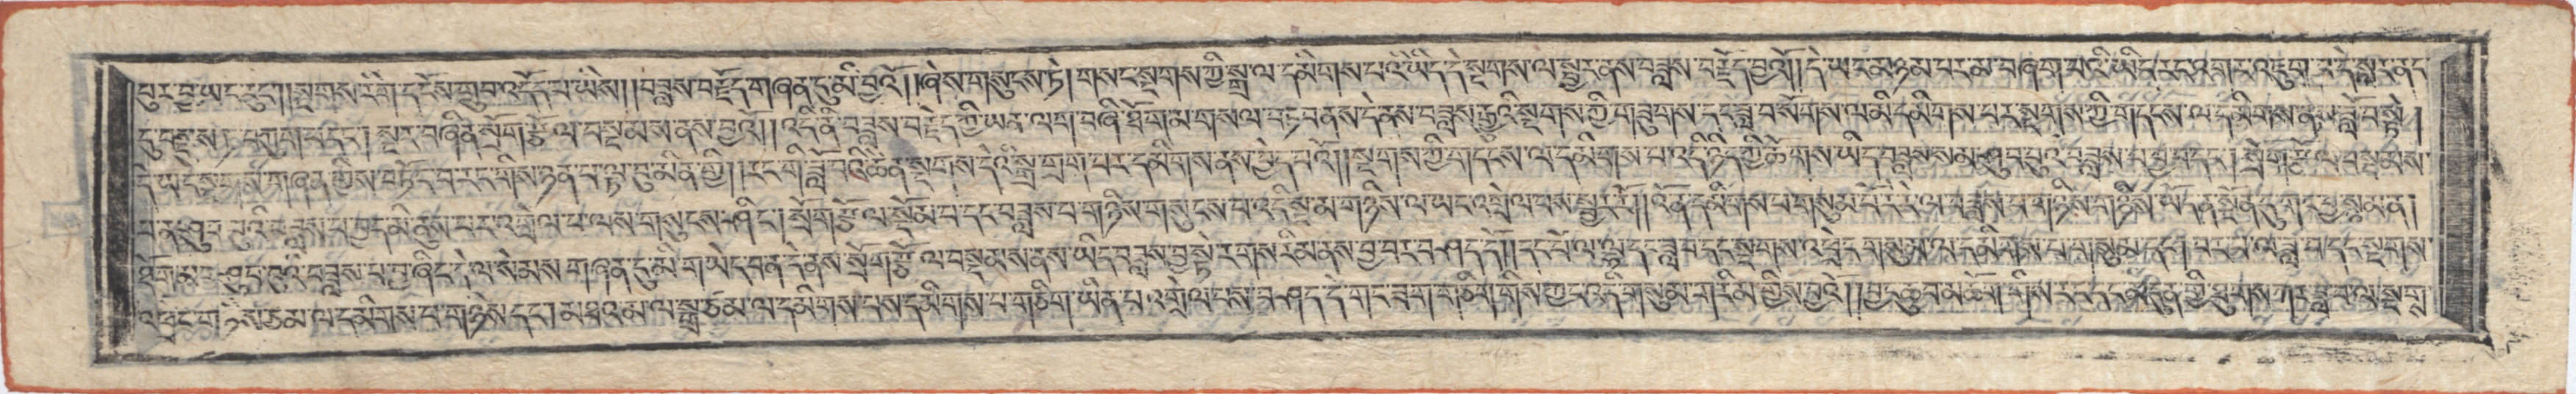པུར་བྱ་ཡང་རུང་། །སྔགས་རིག་དངོས་གྲུབ་འདོད་པ་ཡིས། །བཟླས་བརྗོད་གཞན་དུ་མི་བྱའོ། །ཞེས་གསུངས་ཏེ། གསང་སྔགས་ཀྱི་སྒྲ་ལ་དམིགས་པའི་ཡིད་དེ་སྔགས་ལ་སྦྱར་ནས་བཟླས་བརྗོད་བྱའོ། །དེ་ཡང་མཉམ་པར་མ་བཞག་པའི་ཡིད་རང་འགར་འཇུག་པ་དེ་སླར་ནང་
དུ་བསྡུས་ཏེ་བཀུག་པ་དང་། སྔར་བཞིན་སྲོག་རྩོལ་བསྔམས་ནས་བྱའོ། །འདི་ནི་བཟླས་བརྗོད་ཀྱི་ཡན་ལག་བཞི་ཐོག་མ་གསལ་བཏབ་ནས་དེ་ནས་བཟླས་རྒྱུའི་སྔགས་ཀྱི་གཟུགས་དང་ཟླ་བ་སོགས་ལ་མི་དམིགས་པར་སྔགས་ཀྱི་གདངས་ལ་དམིགས་ནས་ཟློ་བ་སྟེ།
དེ་ཡང་སྔགས་གཞན་གྱིས་བཏོང་བ་རང་གིས་ཉན་པ་ལྟ་བུ་མིན་གྱི། །རང་གི་ཟློ་བའི་ཚེན་སྔགས་དེའི་སྒྲ་གྲག་པར་དམིགས་ནས་བྱེད་པའོ། །སྔགས་ཀྱི་གདངས་ལ་དམིགས་པ་འདི་ཉིད་ཀྱི་ཆོ་གས་ཡིད་བཟླས་སམ་ཤུབ་བུའི་བཟླས་པ་བྱ་བ་དང་། སྲོག་རྩོལ་བསྔམས་
པ་ན་ཤུབ་བུའི་བ་ཟླས་པ་བྱེད་མི་ནུས་པར་འགྲེལ་པ་ལས་གསུངས་ཤིང་། སྲོག་རྩོལ་སྡོམ་པ་དང་བཟླས་པ་གཉིས་གསུངས་པ་འདི་སྔ་མ་གཉིས་ལ་ཡང་འགྲེལ་པས་སྦྱར་རོ། །འོ་ན་དམིགས་པ་གསུམ་པོ་རེ་རེ་ལ་བཟླས་པ་གཉིས་གཉིས་ཡོད་ན་སྔོན་དུ་གང་བྱ་སྙམ་ན།
ཐོག་མར་ཤུབ་བུའི་བཟླས་པ་བྱ་ཞིང་དེ་ལ་སེམས་གཞན་དུ་མི་གཡེང་བ་ན་དེ་ནས་སྲོག་རྩོལ་བསྔམས་ནས་ཡིད་བཟླས་བྱ་སྟེ་རགས་རིམ་ནས་བྱ་བར་བཤད་དོ། །དང་པོ་ལ་ལྷ་དང་ཟླ་བ་དང་སྔགས་འཕྲེང་གསུམ་ལ་དམིགས་པ་གསུམ་དང་། བར་པ་ལ་ཟླ་བ་དང་སྔགས་
འཕྲེང་གཉིས་ཙམ་ལ་དམིགས་པ་གཉིས་དང་། མཐའ་མ་ལ་སྒྲ་ཙམ་ལ་དམིགས་པས་དམིགས་པ་གཅིག་ཡིན་པ་འགྲེལ་པས་བཤད་དེ་གང་ཟག་གཅིག་གིས་ཀྱང་འདི་གསུམ་ག་རིམ་གྱིས་བྱའོ། །བྱང་ཆུབ་མཆོག་གིས་རང་དང་མདུན་གྱི་ཐུགས་ཀར་ཟླ་བ་ལ་སྔགས་